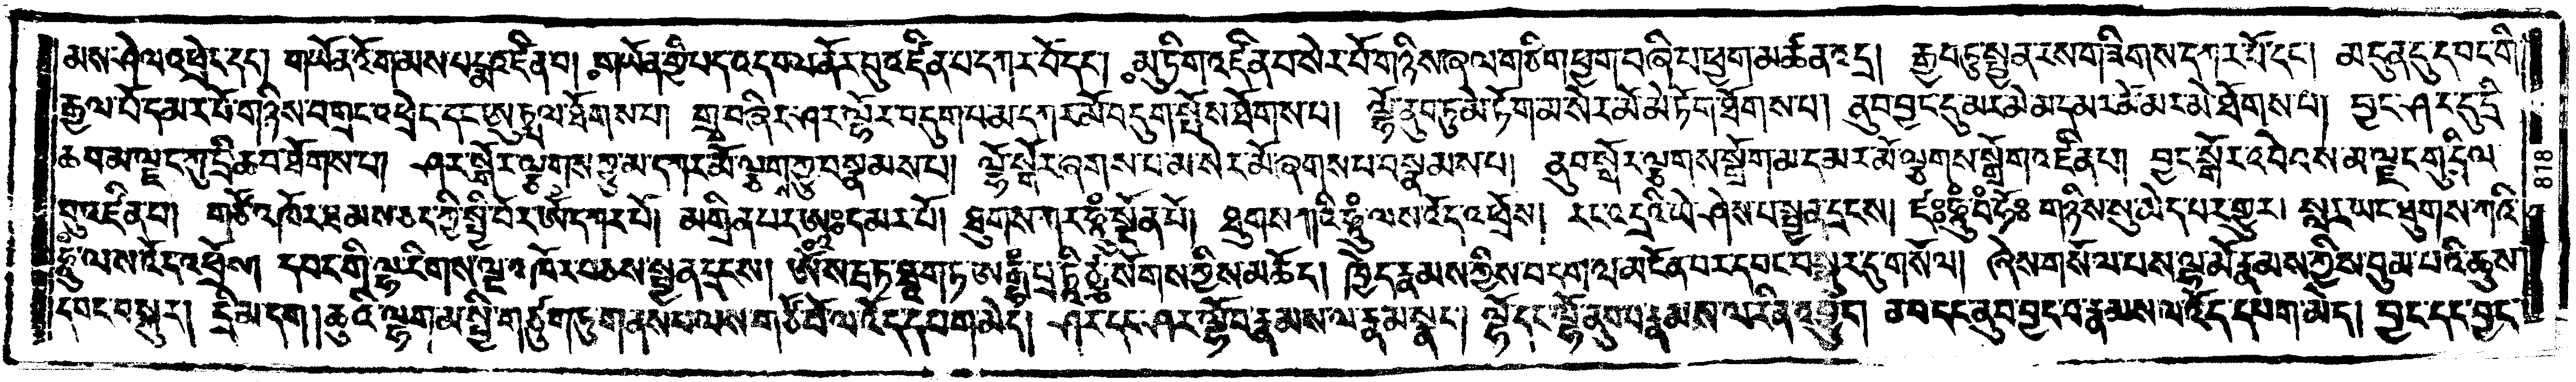མས་ཤེལ་འཕྲེང་དང་། གཡོན་འོག་མས་པདམ་འཛིན་པ། གཡོན་གྱི་པད་འདབ་ལ་ནོར་བུ་འཛིན་པ་དཀར་པོ་དང་། མུ་ཏིག་འཛིན་པ་སེར་པོ་གཉིས་ཞལ་གཅིག་ཕྱག་བཞི་པ་ཕྱག་མཚན་འདྲ། རྒྱབ་ཏུ་སྤྱན་རས་གཟིགས་དཀར་པོ་དང་། མདུན་དུ་དབང་གི་
རྒྱལ་པོ་དམར་པོ་གཉིས་བགྲང་འཕྲེང་དང་ཨུཏྤལ་ཐོགས་པ། གྲྭ་བཞིར་ཤར་ལྷོར་བདུག་པ་མ་དཀར་མོ་གདུག་སྤོས་ཐོགས་པ། ལྷོ་ནུབ་ཏུ་མེ་ཏོག་མ་སེར་མོ་ཏོག་ཐོགས་པ། ནུབ་བྱང་དུ་མར་མེ་དམར་མེ་ཐོགས་པ། བྱང་ཤར་དུ་དྲ་
ཆབ་མ་ལྗང་ཀུ་དྲི་ཆབ་ཐོགས་པ། ཤར་སྒོར་ལྕགས་ཀྱུ་མ་དཀར་མོ་ལྕགས་ཀྱུ་བསྣམས་པ། ལྷོ་སྒོར་ཞགས་པ་མ་སེར་མོ་ཞགས་པ་བསྣམས་པ། ནུབ་སྒོར་ལྕགས་སྒྲོག་མ་དམར་མོ་ལྕགས་སྒྲོག་འཛིན་པ། བྱང་སྒོར་འབེབས་མ་ལྗང་གུ་དིལ་
བུ་འཛིན་པ། གཙོ་འཁོར་ཐམས་ཅད་ཀྱི་སྤྱི་བོར་ཨོཾ་དཀར་པོ། མགྲིན་པར་ཨཱཿ དམར་པོ། ཐུགས་ཀར་ཧཱུཾ་སྔོན་པོ། ཐུགས་ཀའི་ཧཱུཾ་ལས་འོད་འཕྲོས། རང་འདྲའི་ཡེ་ཤེས་པ་སྤྱན་དྲངས། ཛཿ ཧཱུཾ་བཾ་ཧོཿ གཉིས་མེད་པར་གྱུར། སླར་ཡང་ཐུགས་ཀའི་
ཧཱུཾ་ལས་འོད་འཕྲོས། དབང་གི་ལྷ་རིགས་ལྔ་འཁོར་བཅས་སྤྱན་དྲངས། ཨོཾ་སརྦ་ཏ་ཐཱ་ག་ཏ་ཨརྒྷཾ་པྲ་ཏཱི་ཙྪ་སོགས་ཀྱིས་མཆོད། ཁྱེད་རྣམས་ཀྱིས་བདག་ལ་མངོན་པར་དབང་བསྐུར་དུ་གསོལ། ཞེས་གསོལ་པས་ལྷ་མོ་རྣམས་ཀྱིས་གྲུབ་པའི་ཆུས་
དབང་བསྐུར། དྲི་མ་དག། ཆུའི་ལྷག་མ་སྤྱི་གཙུག་ཏུ་གནས་པ་ལས་གཙོ་བོ་ལ་འོད་དཔག་མེད། ཤར་དང་ཤར་ལྷོ་བ་རྣམས་ལ་རྣམ་སྣང་། ལྷོ་དང་ལྷོ་ནུབ་པ་རྣམས་ལ་རིན་འབྱུང་། ནུབ་དང་ནུབ་བྱང་བ་རྣམས་ལ་འོད་དཔག་མེད། བྱང་དང་བྱང་